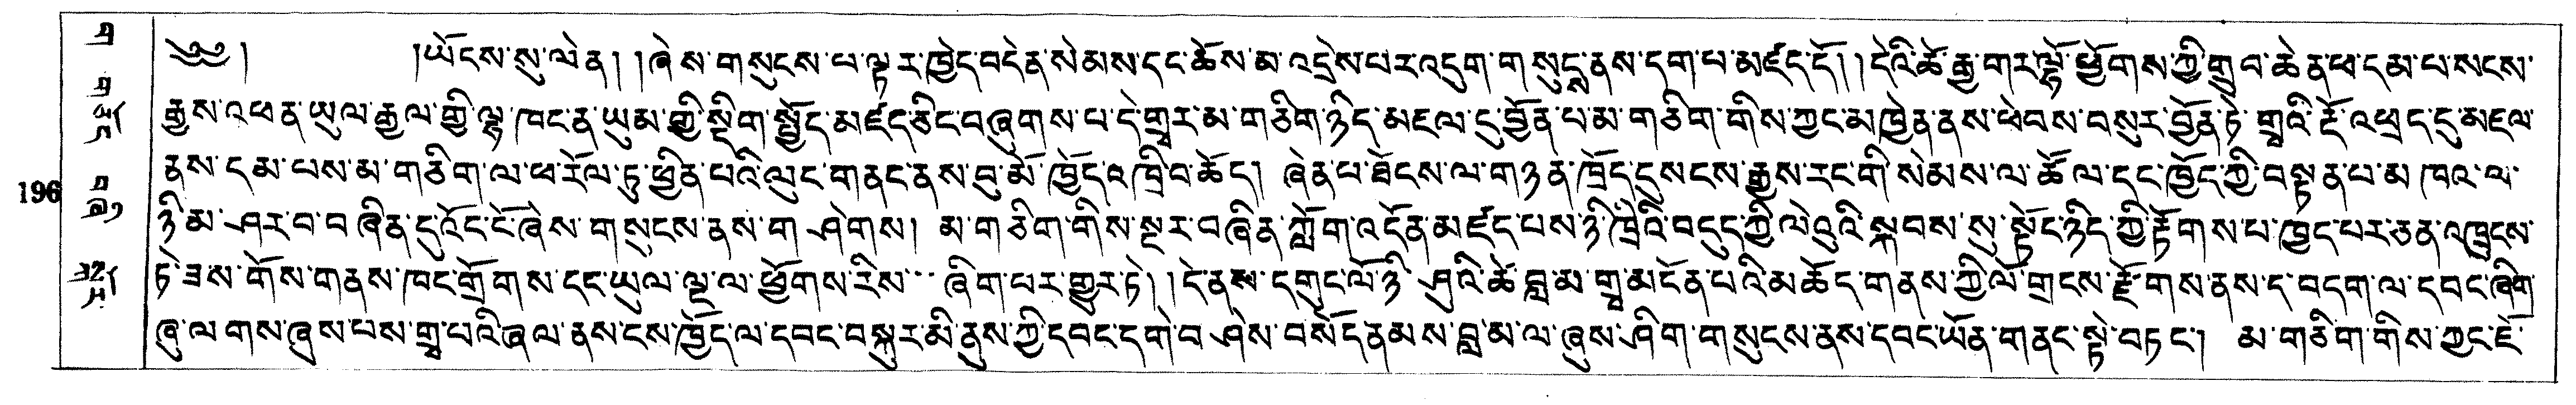༄༅། །ཡོངས་སུ་ལེན། །ཞེས་གསུངས་པ་ལྟར་ཁྱེད་བདེན་སེམས་དང་ཆོས་མ་འདྲེས་པར་འདུག་གསུངས་ནས་དག་པ་མཛད་དོ། །དེའི་ཚེ་རྒྱ་གར་ལྷོ་ཕྱོགས་ཀྱི་གྲུབ་ཆེན་ཕ་དམ་པ་སངས་
རྒྱས་འཕན་ཡུལ་རྒྱལ་གྱི་ལྷ་ཁང་ན་ཡུམ་གྱི་སྡིག་སྤྱོད་མཛད་ཅིང་བཞུགས་པ་དེ་གྲྭར་མ་གཅིག་ཉིད་མཇལ་དུ་བྱོན་པ་མ་གཅིག་གིས་ཀྱང་མཁྱེན་ནས་ཕེབས་བསུར་བྱོན་ཏེ་གྭའི་རྡོ་འཕྲད་དུ་མཇལ་
ནས་དམ་པས་མ་གཅིག་ལ་ཕ་རོལ་ཏུ་ཕྱིན་པའི་ལུང་གནང་ནས་བུ་མོ་ཁྱོད་འཁྲི་བ་ཆོད། ཞེན་པ་ཐོངས་ལ་གཉན་ཁྲོད་དུ་སངས་རྒྱས་རང་གི་སེམས་ལ་ཚོལ་དང་ཁྱོད་ཀྱི་བསྟན་པ་མཁའ་ལ་
ཉི་མ་ཤར་བ་བཞིན་དུ་འོང་ངོ་ཞེས་གསུངས་ནས་གཤེགས། མ་གཅིག་གིས་སྔར་བཞིན་ཀློག་འདོན་མཛད་པས་ཉི་ཁྲིའི་བདུད་ཀྱི་ལེའུའི་སྐབས་སུ་སྟོང་ཉིད་ཀྱི་རྟོགས་པ་ཁྱད་པར་ཅན་འཁྲུངས་
ཏེ་ཟས་གོས་གནས་ཁང་གྲོགས་དང་ཡུལ་ལྔ་ལ་ཕྱོགས་རིས་ཞིག་པར་གྱུར་ཏེ། །དེ་ནས་དགུང་ལོ་ཉི་ཤུའི་ཚེ་བླ་མ་གྲྭ་མངོན་པའི་མཆོད་གནས་ཀྱི་ལོ་གྲངས་རྫོགས་ནས་ད་བདག་ལ་དབང་ཞིག་
ཞུ་ལགས་ཞུས་པས་གྲྭ་པའི་ཞལ་ནས་ངས་ཁྱོད་ལ་དབང་བསྐུར་མི་ནུས་ཀྱི་དབང་དགེ་བཤེས་བསོད་ནམས་བླ་མ་ལ་ཞུས་ཤིག་གསུངས་ནས་དབང་ཡོན་གནང་སྟེ་བཏང་། མ་གཅིག་གིས་ཀྱང་ཇོ་